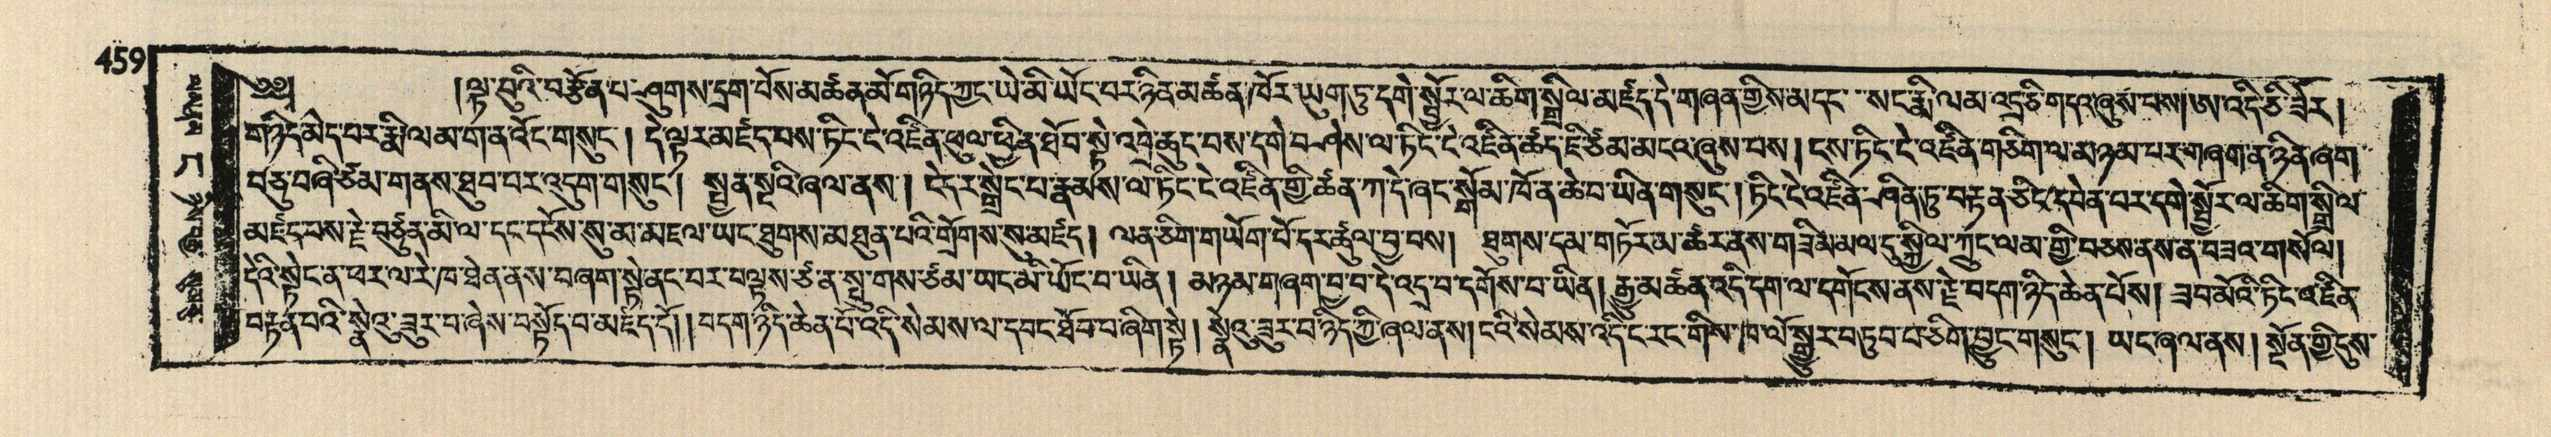༄༅། །ལྟ་བུའི་བརྩོན་པ་ཤུགས་དྲག་པོས་མཚན་མོ་གཉིད་ཀྱང་ཡེ་མི་ཡོང་བར་ཉིན་མཚན་ཁོར་ཡུག་ཏུ་དགེ་སྦྱོར་ལ་ཆིག་སྒྲིལ་མཛད་དེ་གཞན་གྱིས་མདང་སང་རྨི་ལམ་འདྲ་ཅི་གདའ་ཞུས་པས། ཨ་འདི་ཅི་ཟེར།
གཉིད་མེད་པར་རྨི་ལམ་ག་ན་འོང་གསུང་། དེ་ལྟར་མཛད་པས་ཏིང་ངེ་འཛིན་ཕུལ་ཕྱིན་ཐོབ་སྟེ་འབྲེ་ཆུང་བས་དགེ་བཤེས་ལ་ཏིང་ངེ་འཛིན་ཚད་ཇི་ཙམ་མངའ་ཞུས་པས། ངས་ཏིང་ངེ་འཛིན་གཅིག་ལ་མཉམ་པར་གཞག་ན་ཉིན་ཞག་
བཅུ་བཞི་ཙམ་གནས་ཐུབ་པར་འདུག་གསུང་། སྤྱན་སྔའི་ཞལ་ནས། ངེད་ར་སྒྲེང་པ་རྣམས་ལ་ཏིང་ངེ་འཛིན་གྱི་ཚན་ཀ་དེ་ཞང་སྒོམ་ཁོ་ན་ཆེ་བ་ཡིན་གསུང་། ཏིང་ངེ་འཛིན་ཤིན་ཏུ་བརྟན་ཅིང་དབེན་པར་དགེ་སྦྱོར་ལ་ཆིག་སྒྲིལ་
མཛད་པས་རྗེ་བཙུན་མི་ལ་དང་དངོས་སུ་མ་མཇལ་ཡང་ཐུགས་མཐུན་པའི་གྲོགས་སུ་མཛད། ལན་ཅིག་གཡོག་པོ་དར་ཚུལ་བྱ་བས། ཐུགས་དམ་གཏོར་མ་ཚར་ནས་གཟིམ་མལ་དུ་སྐྱིལ་ཀྲུང་ལམ་གྱི་བཅས་ནས་ན་བཟའ་གསོལ།
དེའི་སྟེང་ན་ཕར་ལ་རེ་ཁ་ཐེན་ནས་བཞག་སྟེ་ནང་བར་བལྟས་ཙ་ན་སྤུ་གས་ཙམ་ཡང་མི་ཡོང་བ་ཡིན། མཉམ་གཞག་བྱ་བ་དེ་འདྲ་བ་དགོས་པ་ཡིན། རྒྱུ་མཚན་འདི་དག་ལ་དགོངས་ནས་རྗེ་བདག་ཉིད་ཆེན་པོས། ཟབ་མོའི་ཏིང་འཛིན་
བརྟན་པའི་སྣེའུ་ཟུར་བ་ཞེས་བསྟོད་བ་མཛད་དོ། །བདག་ཉིད་ཆེན་པོ་འདི་སེམས་ལ་དབང་ཐོབ་བ་ཞིག་སྟེ། སྣེའུ་ཟུར་བ་ཉིད་ཀྱི་ཞལ་ནས། ངའི་སེམས་འདི་ང་རང་གིས་ཁ་ལོ་སྒྱུར་བཏུབ་བ་ཅིག་བྱུང་གསུང་། ཡང་ཞལ་ནས། སྔོན་གྱི་དུས་